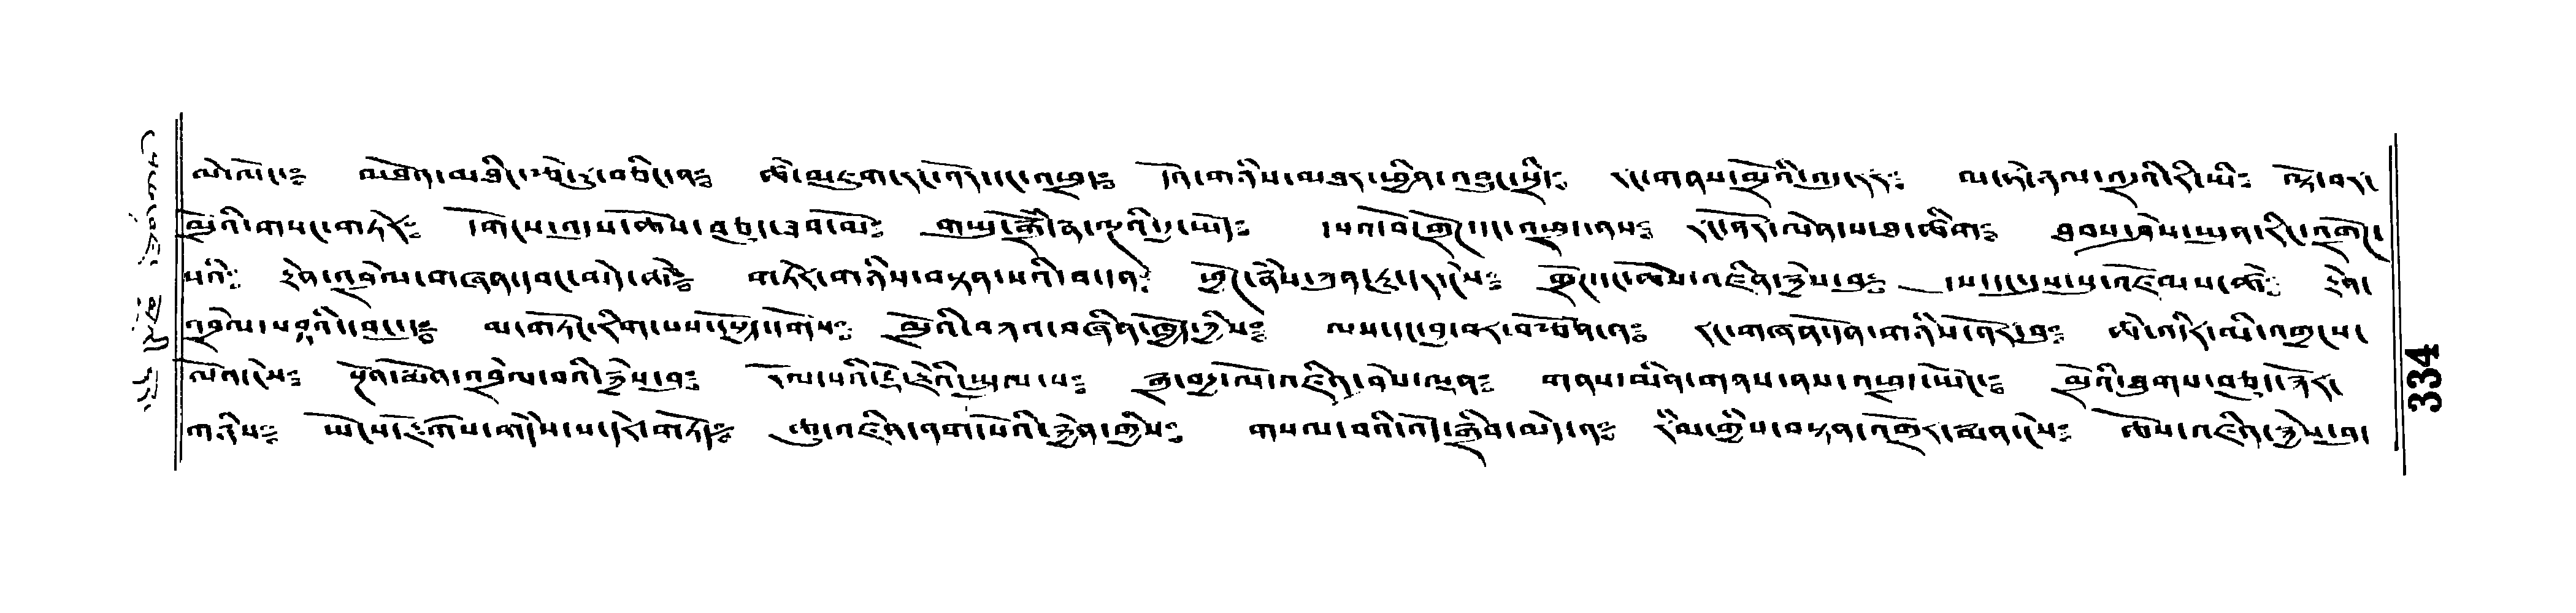མེ་ལོང༔ མཐོན་མཐིང་རྩེ་རུ་བཅིངས་ན༔ ཚེ་མཇུག་རང་ནོར་དང་འཕྲད༔ དོན་གཉིས་མཐར་ཕྱིན་འབྱུང་སྲིད༔ རང་གནས་མཁའ་འགྲོའི་འདུ་རར༔ མ་ཧེ་ཉལ་འདྲའི་རི་ཡི༔ ལྟོ་བར་
མཁའ་འགྲོའི་གསང་གཏེར༔ དགོངས་འདུས་ཆོས་བཅུད་ཟབ་མོ༔ གཡུ་སྒྲོམ་སྣ་ལྔའི་རྒྱ་ཡོད༔ དཔའ་བོ་གྲོགས་དང་འཕྲད་ནས༔ རང་ནོར་ལེན་པ་ཐ་ཚིག༔ ཐབས་ཤེས་ཡུན་རིང་འགྲོགས་
པའི༔ རྟེན་འབྲེལ་གཞན་དབང་མེད་ཚེ༔ གཏེར་གཉིས་བསྟན་པའི་བ་དན༔ ཕྱོགས་རྣམས་ཀུན་ཏུ་དར་ངེས༔ གྲོགས་དང་ཆོས་འཛིན་སྐྱེས་བུ༔ དུས་དང་དུས་སུ་འཛོམས་ཚེ༔ རྟེན་
འབྲེལ་སབྟའི་དབང་དུ༔ མ་གཏོང་རིག་པས་དཔྱོད་དགོས༔ མཁའ་འགྲོའི་བཀའ་བཞིན་ཁྱོད་ཀྱིས༔ ལས་དང་བྱ་བར་བརྩོན་ན༔ རང་གཞན་དོན་གཉིས་ནོར་བུ༔ ཚེ་འདིར་མི་འགྱངས་
ལོན་ངེས༔ སྔོན་སྨོན་འབྲེལ་བའི་སྐྱེས་བུ༔ རོལ་པའི་རྡོ་རྗེའི་སྤྲུལ་པ༔ སྒྲ་བརྒྱའི་ལོ་འཛིན་ཤེས་ལྡན༔ གནས་མིན་གནས་ནས་འཕྲད་ཡོང༔ མཁའ་འགྲོའི་ཐུགས་བཅུད་སྐོར་
གཉིས༔ ཡོངས་རྫོགས་གདམས་པ་དེར་གཏོད༔ ཆུ་འཛིན་ནག་པོའི་རྐྱེན་གྱིས༔ གསལ་བའི་འོད་སྒྲིབ་མེད་ན༔ རིམ་གྱིས་བསྟན་འགྲོར་སྨན་ངེས༔ ཆོས་འཛིན་སྐྱེས་བུ་